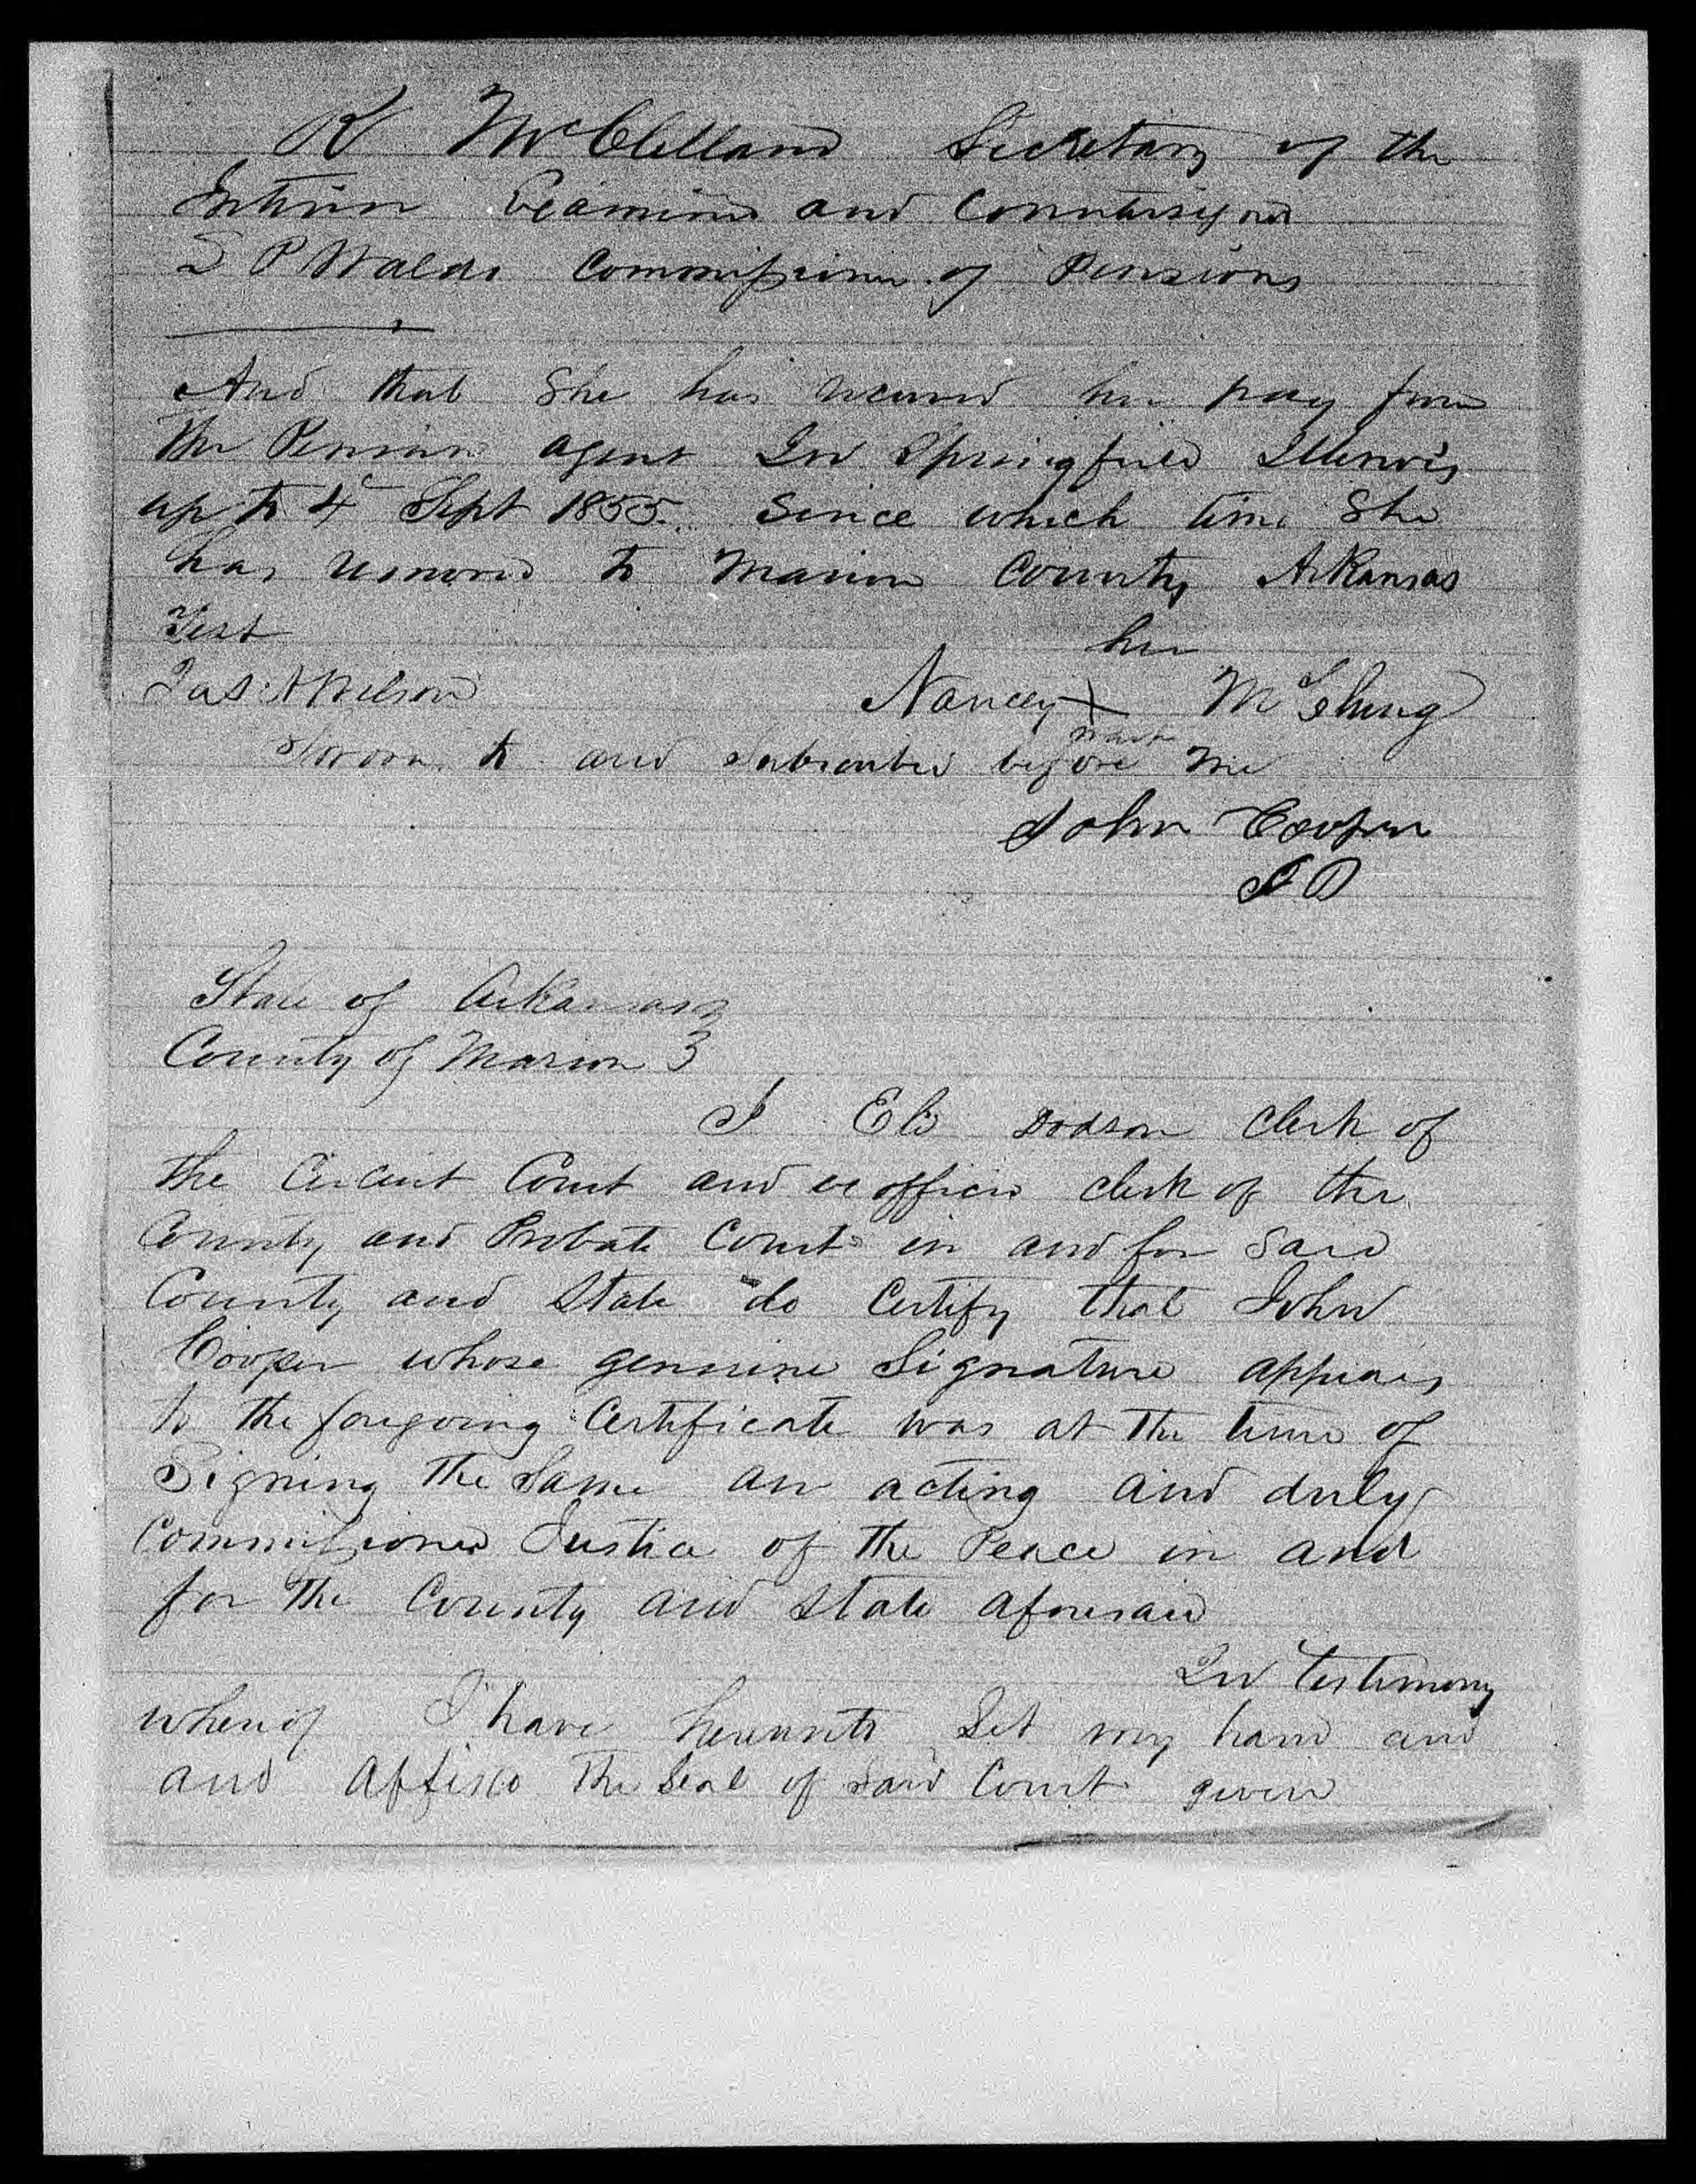R McClelland Secretary of the Interior examined and countersigned L.P. Waldo Commissioner of Pensions

And that she drawn her pay from the pension agent In Springfield Illinois up to 4 Sept 1855 since which time she has removed to Marion County Arkansas
[signed] Nancy X McClung her mark
test Jas Wilson
Sworn to and subscribed before me
John Cooper J P

State of Arkansas
County of Marion 
I, E. W. Dodson Clerk of the Circuit Court and ex officio clerk of the County and Probate Court in and for said County and State do certify that John Cooper whose genuine Signature appears to the
foregoing certificate was at the time of the same an acting and duly commissioned Justice of the Peace in and for the County and State aforesaid

In testimony whereof I have hereunto set my hand and affixed the seal of said Court given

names: John Cooper; Nancey Mc Clung; L P Waldo; Jas N Wilson; R Mc Clelland; E W Dodson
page: 72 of 115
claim: widow's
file: W. 1446, for John Mc Clung, South Carolina